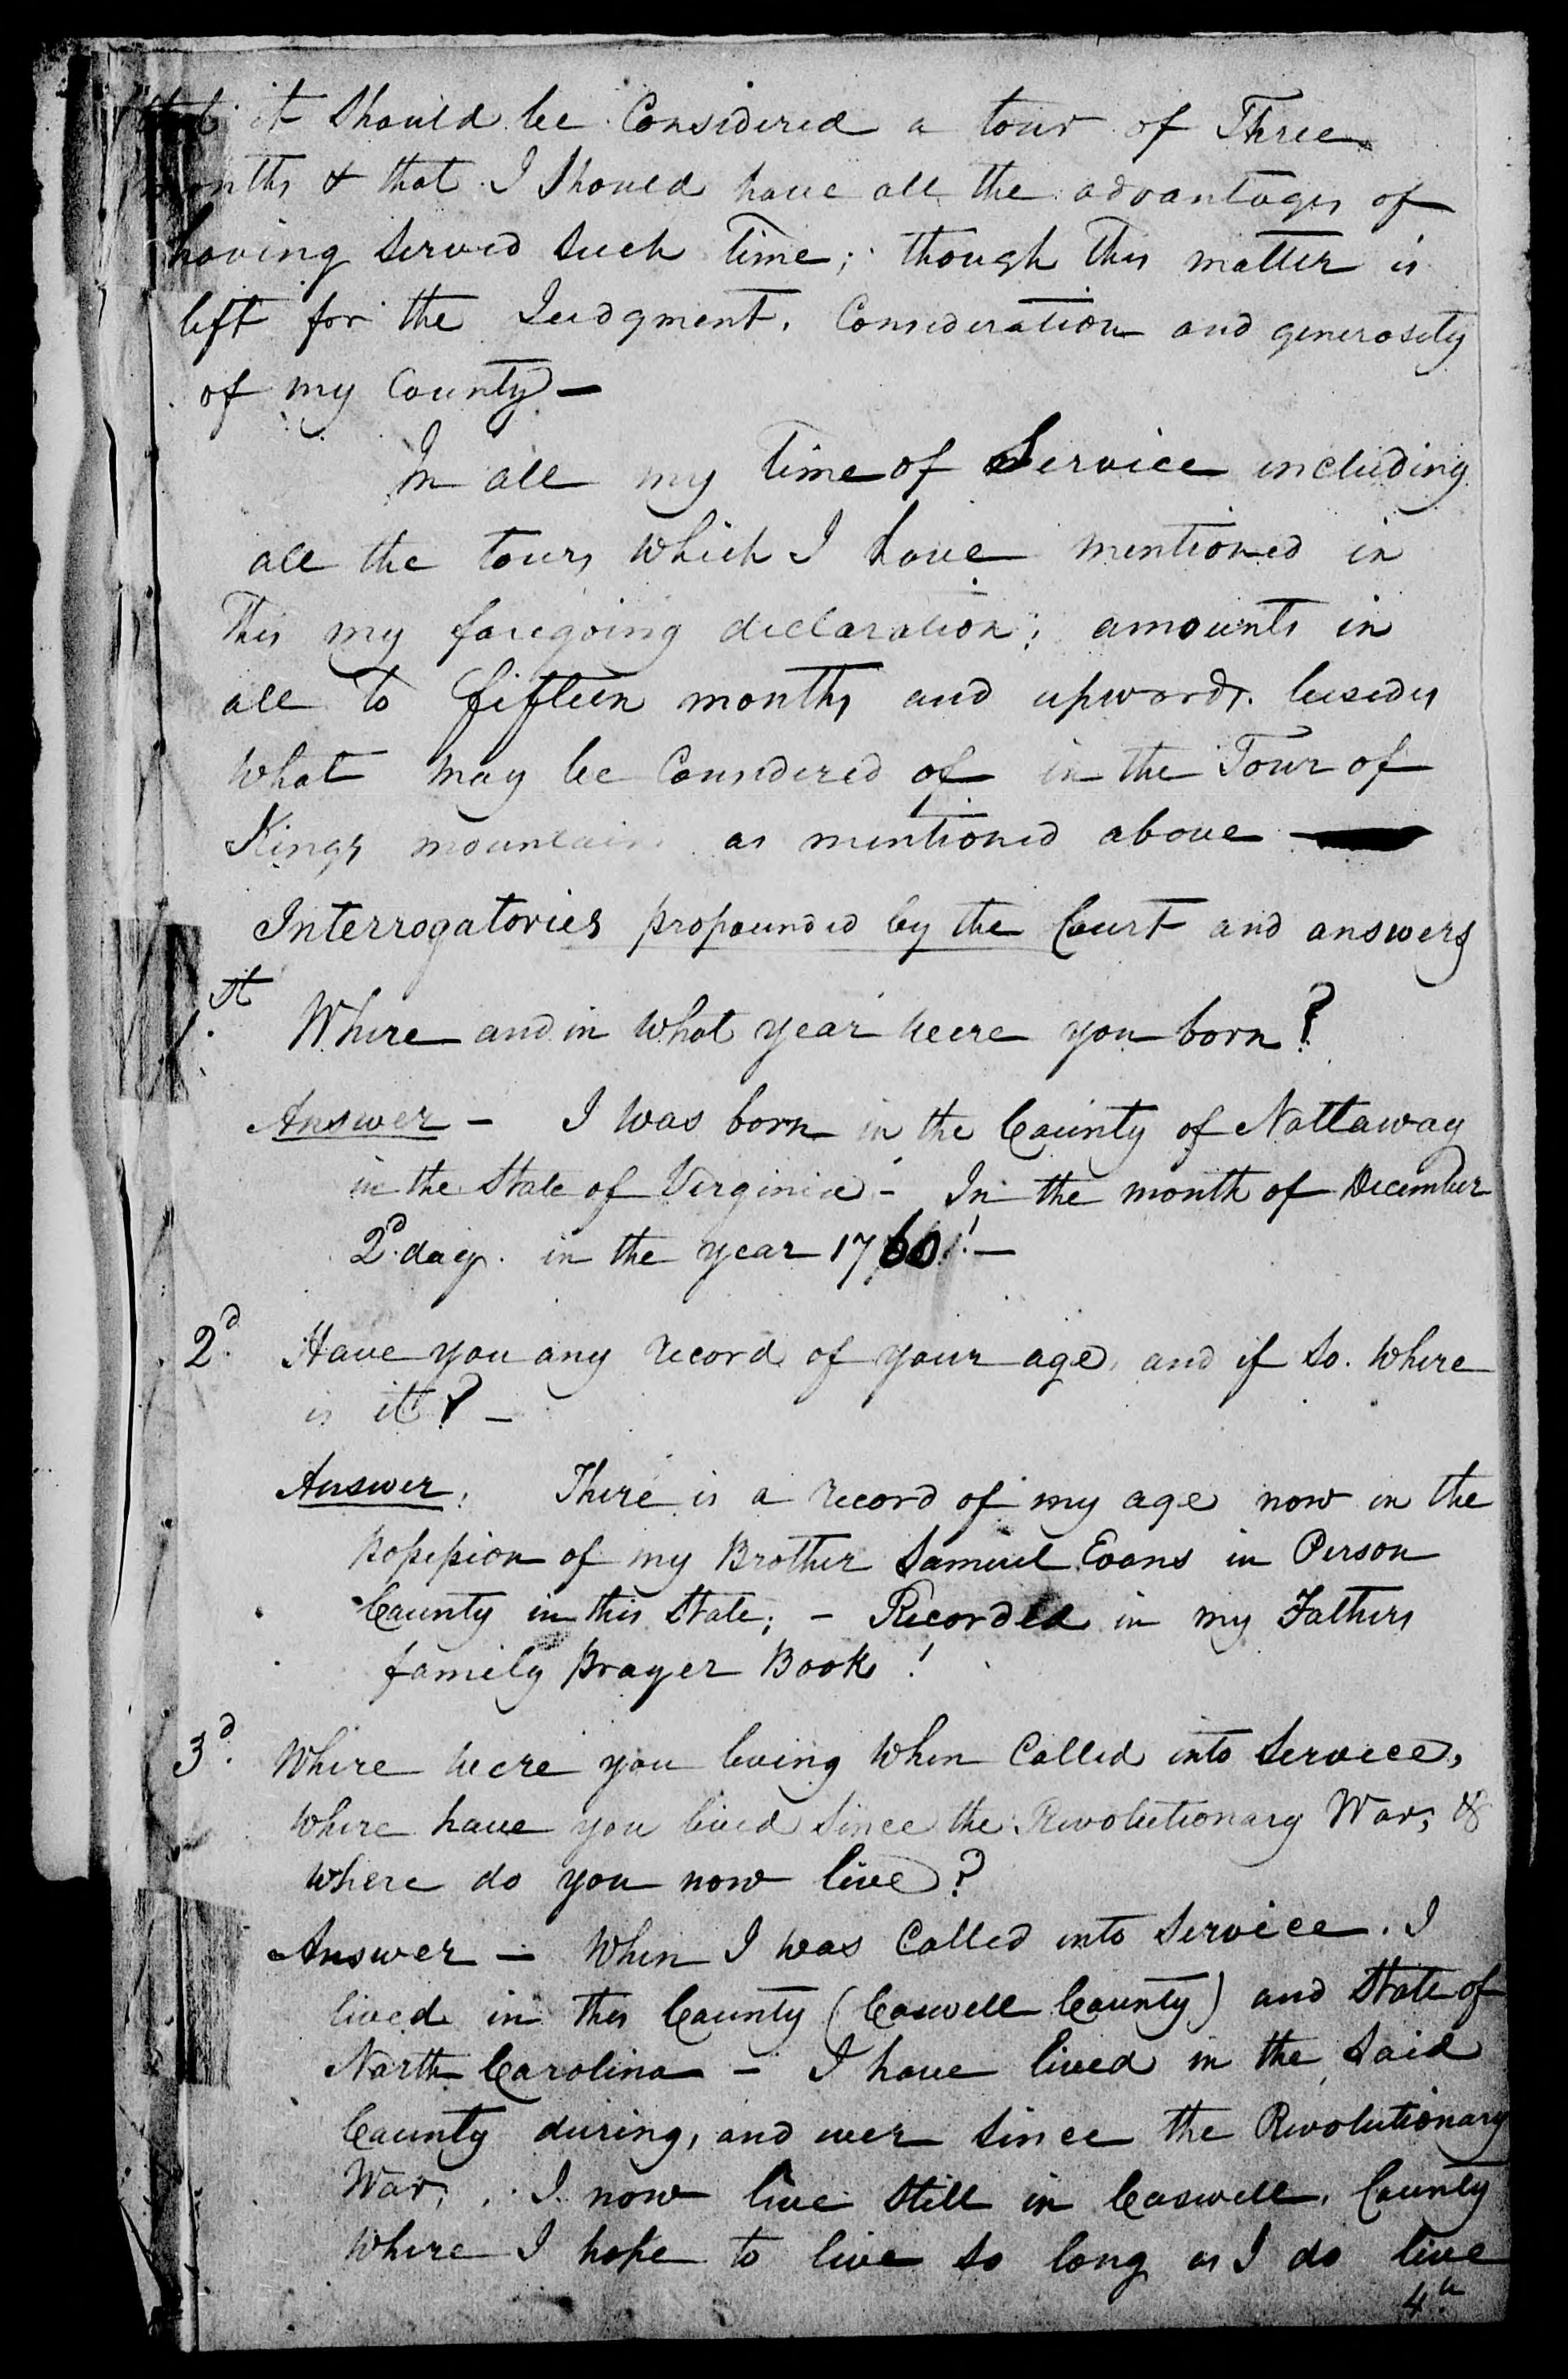that it should be considered a tour of three
months & that I should have all the advantages of having served such time; though this matter is for the Judgment, consideration and generosity of my County-

In all my time of service including all the tours which I have mentioned in this my foregoing declaration; amounts in all to fifteen months and upwards besides what may be considered of in the Tour of Kings Mountain as mentioned above.

Interrogatories propounded by the Court and answers
1. Where and in what year were you born?
Answer - I was born in the County of Nottaway in the State of Virginia. In the month of December 2d day in the year 1760.
2d. Have you any record of your age, and if so where is it? Answer - There is a record of my age now in the
possession of my Brother Samuel Evans in Person County in this State, - Recorded in my Fathers family prayer Book
3d. Where were you living when called into service, where have you lived since the Revolutionary War, & where do you now live?
Answer. When I was called into service. I lived in this County (Caswell County) and State of
North Carolina - I have lived in the said County during, and ever since the Revolutionary War.
I now live still in Caswell, County where I hope to live so long as I do live

4th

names: Samuel Evans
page: 9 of 29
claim: survivor's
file: S. 6830, Elisha Evans, N.C.